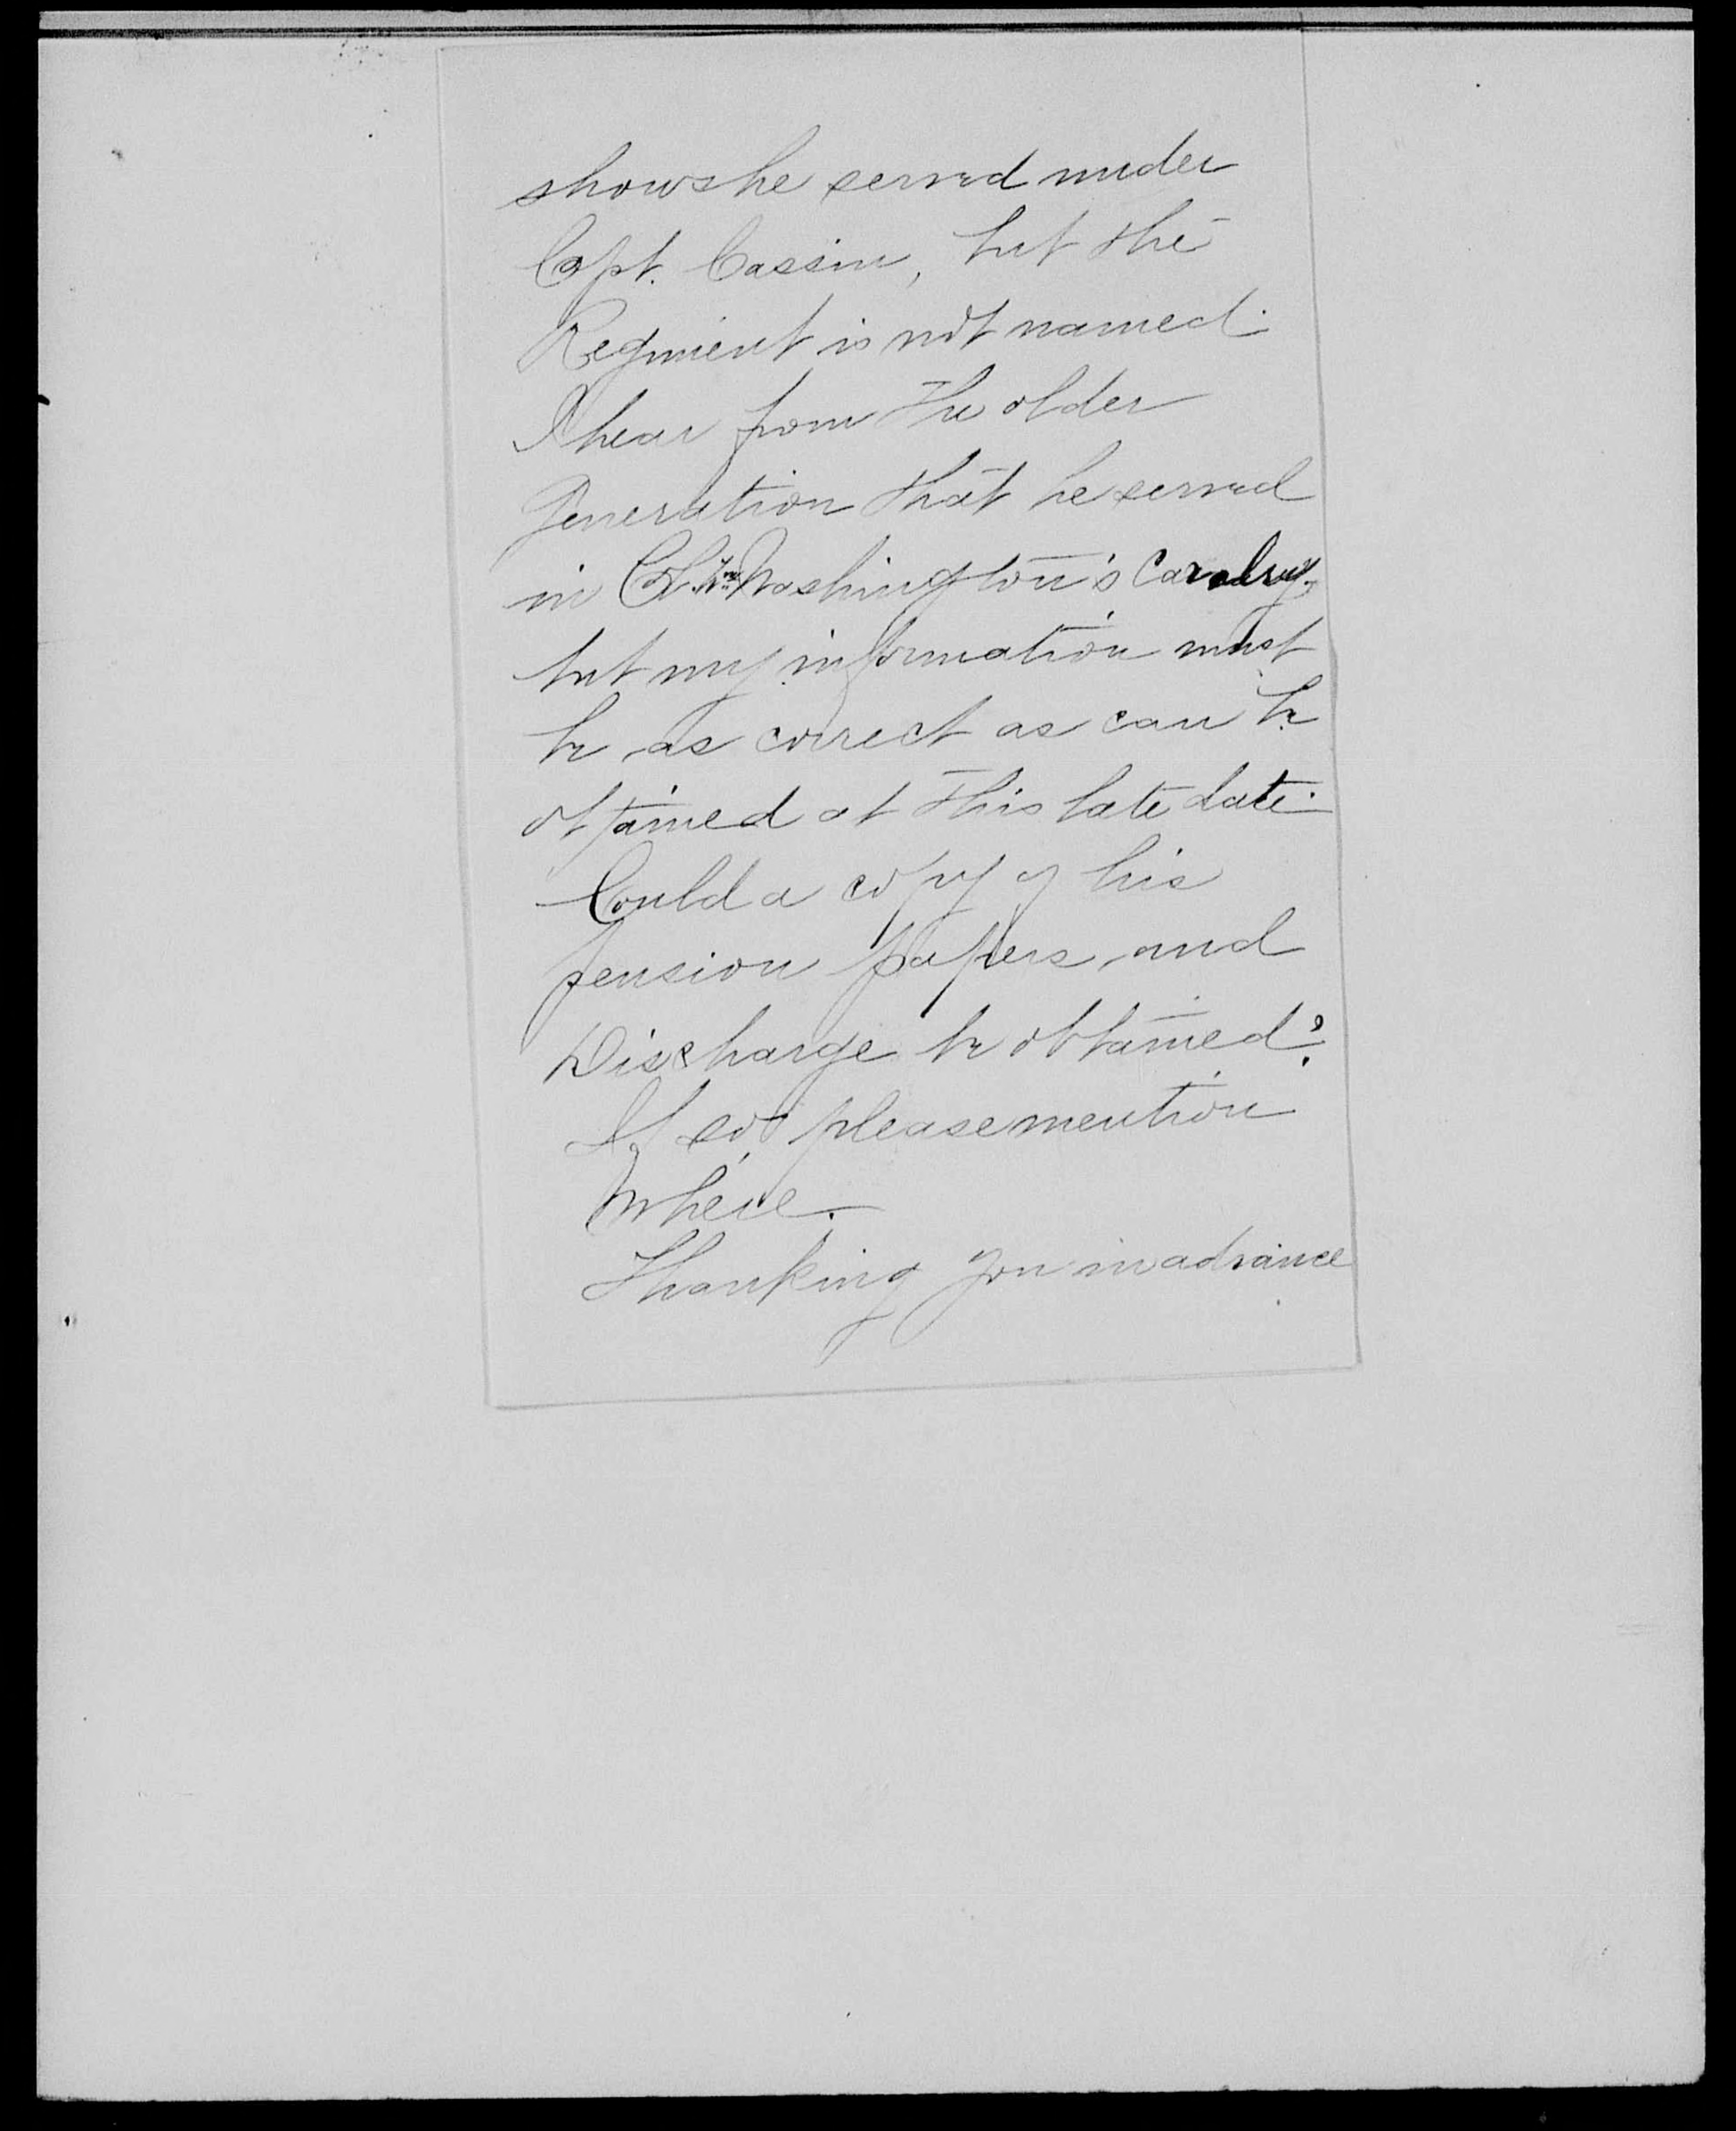Shows he served under Capt. Cassin, [whose] Regiment is not named. I heard from the older generation that he served in Col. Washington’s Cavalry, [whose] information must be as correct as can be of timed at this late date. 
[Illegible]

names: Cassin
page: 16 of 51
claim: widow's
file: W 8939, George Hood, Continental Va.